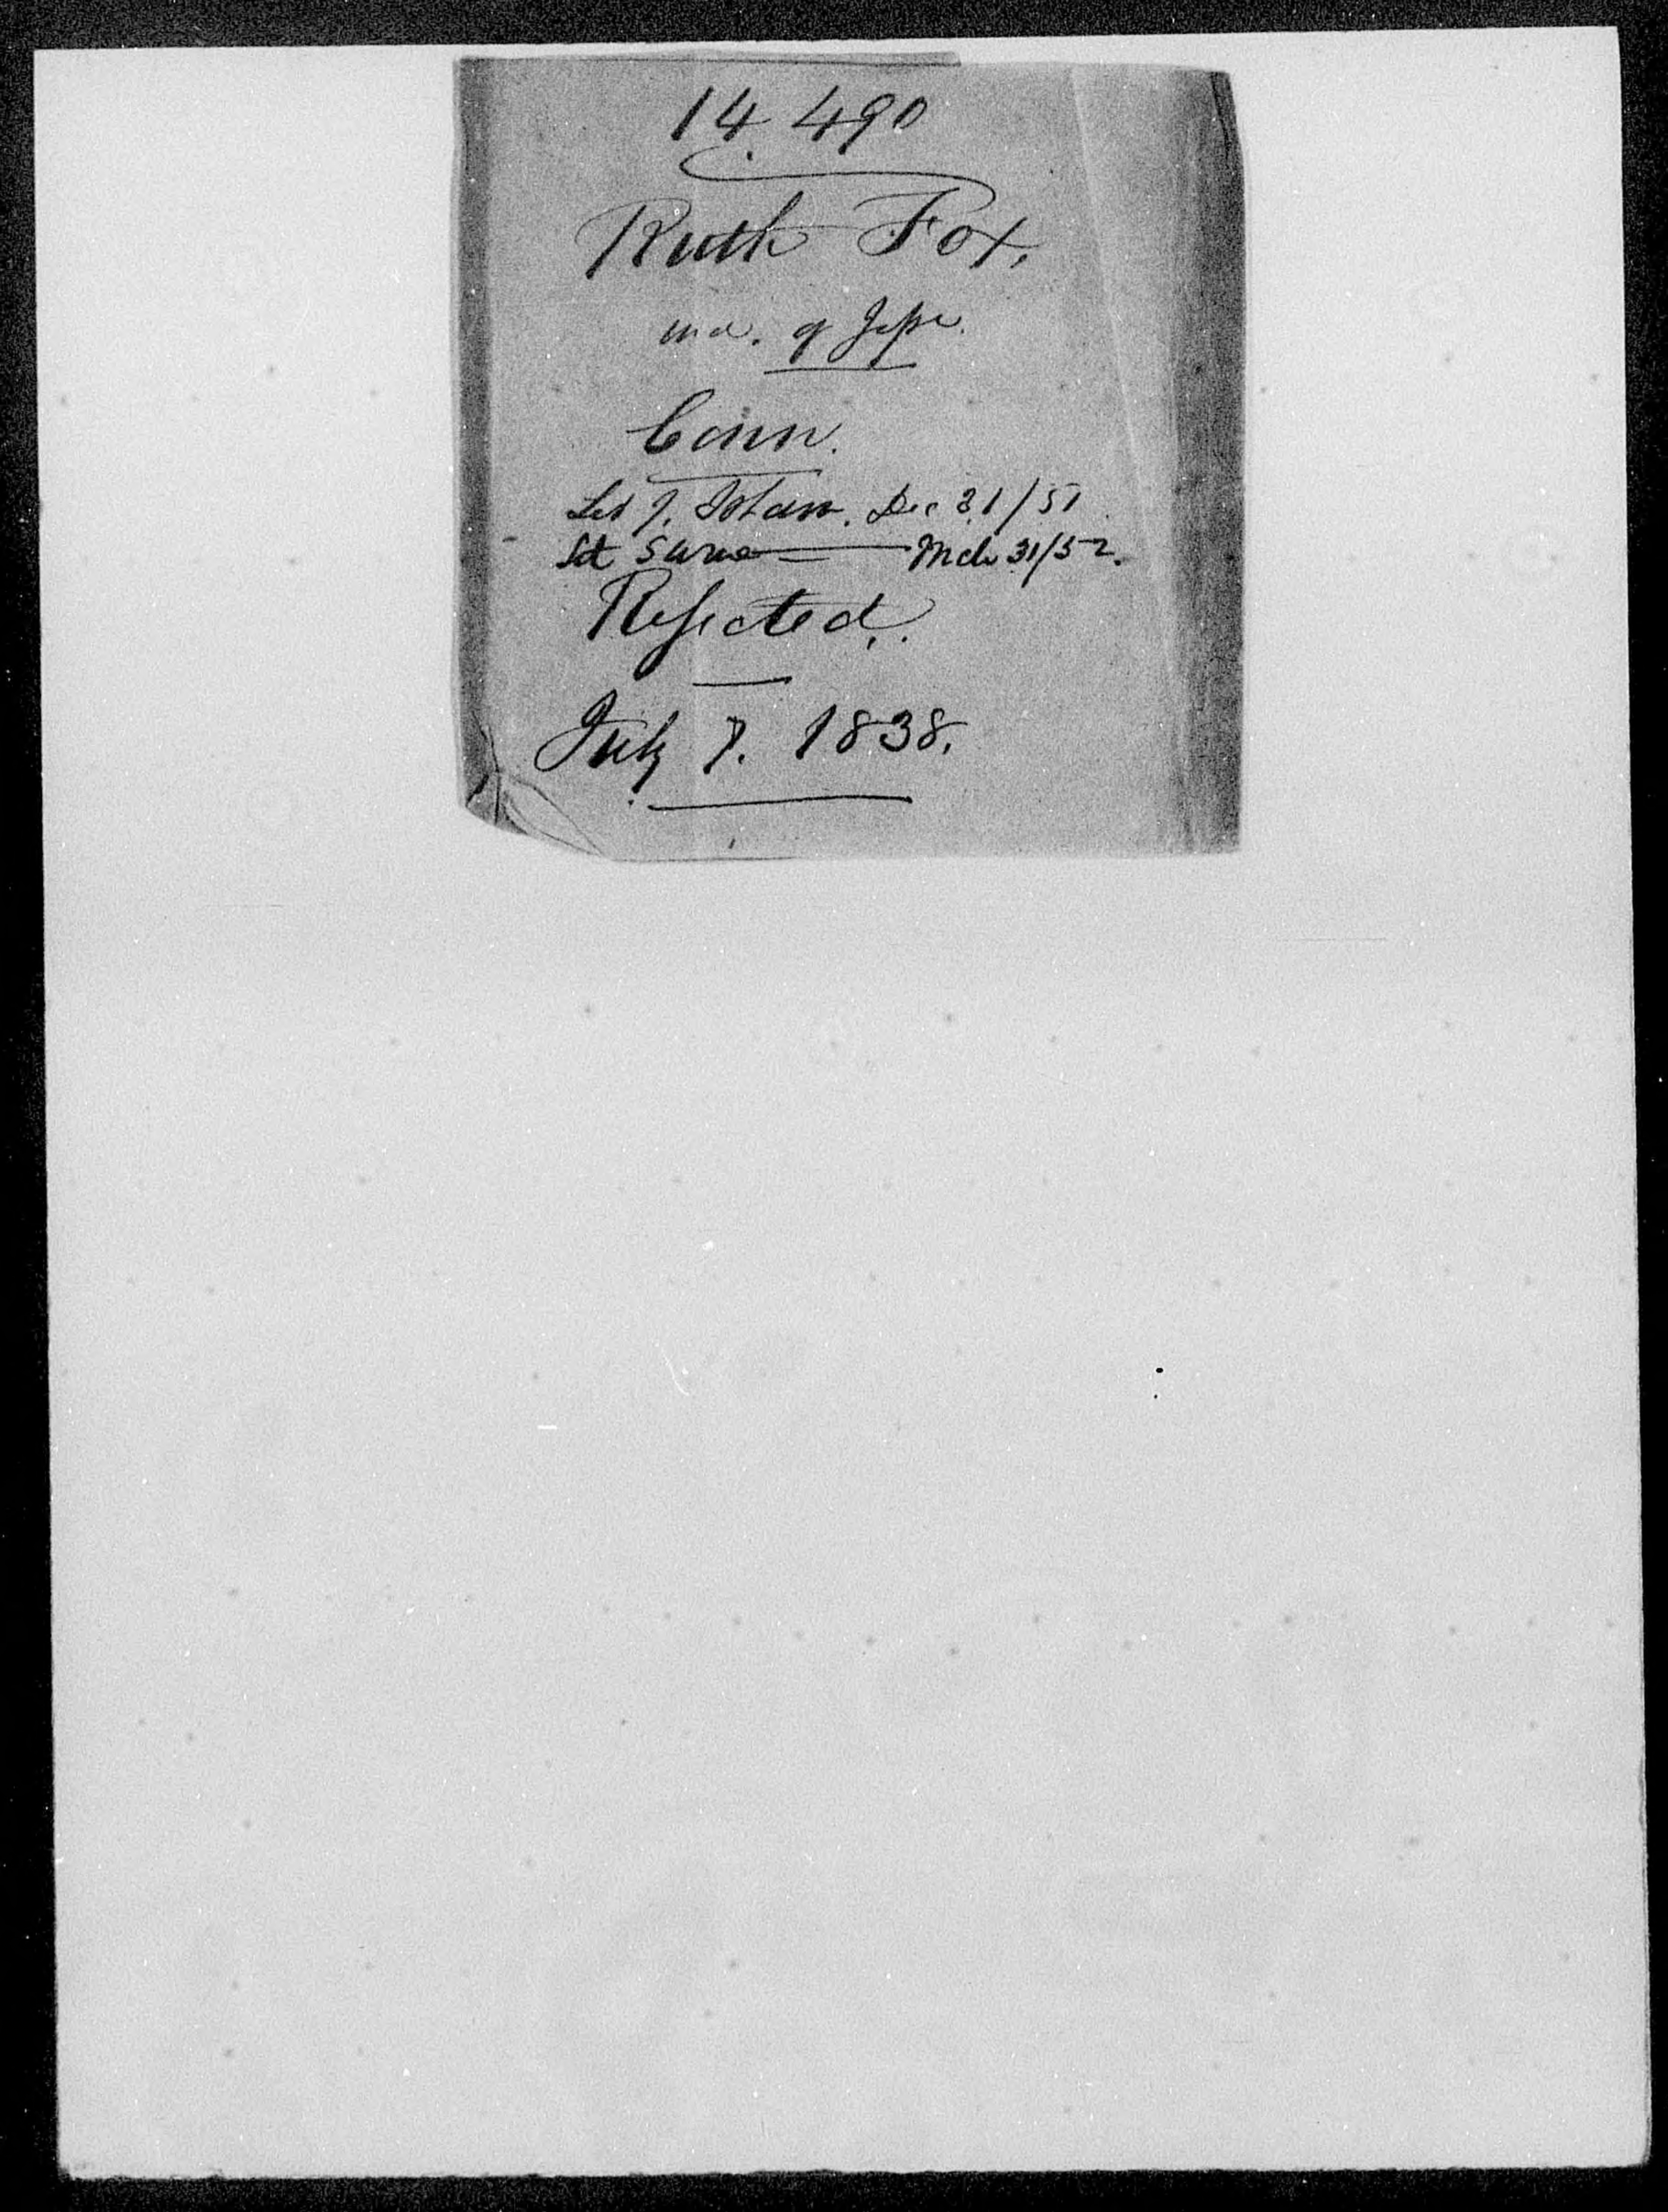14490
Ruth Fox
wid of Jesse
Conn.
Let. J Johann Dec 31/51
Let same Mach 31/52
Rejected
July 7, 1838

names: Jesse Fox, Ruth Fox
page: 21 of 53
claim: rejected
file: R. 3732, Jesse Fox, Conn.